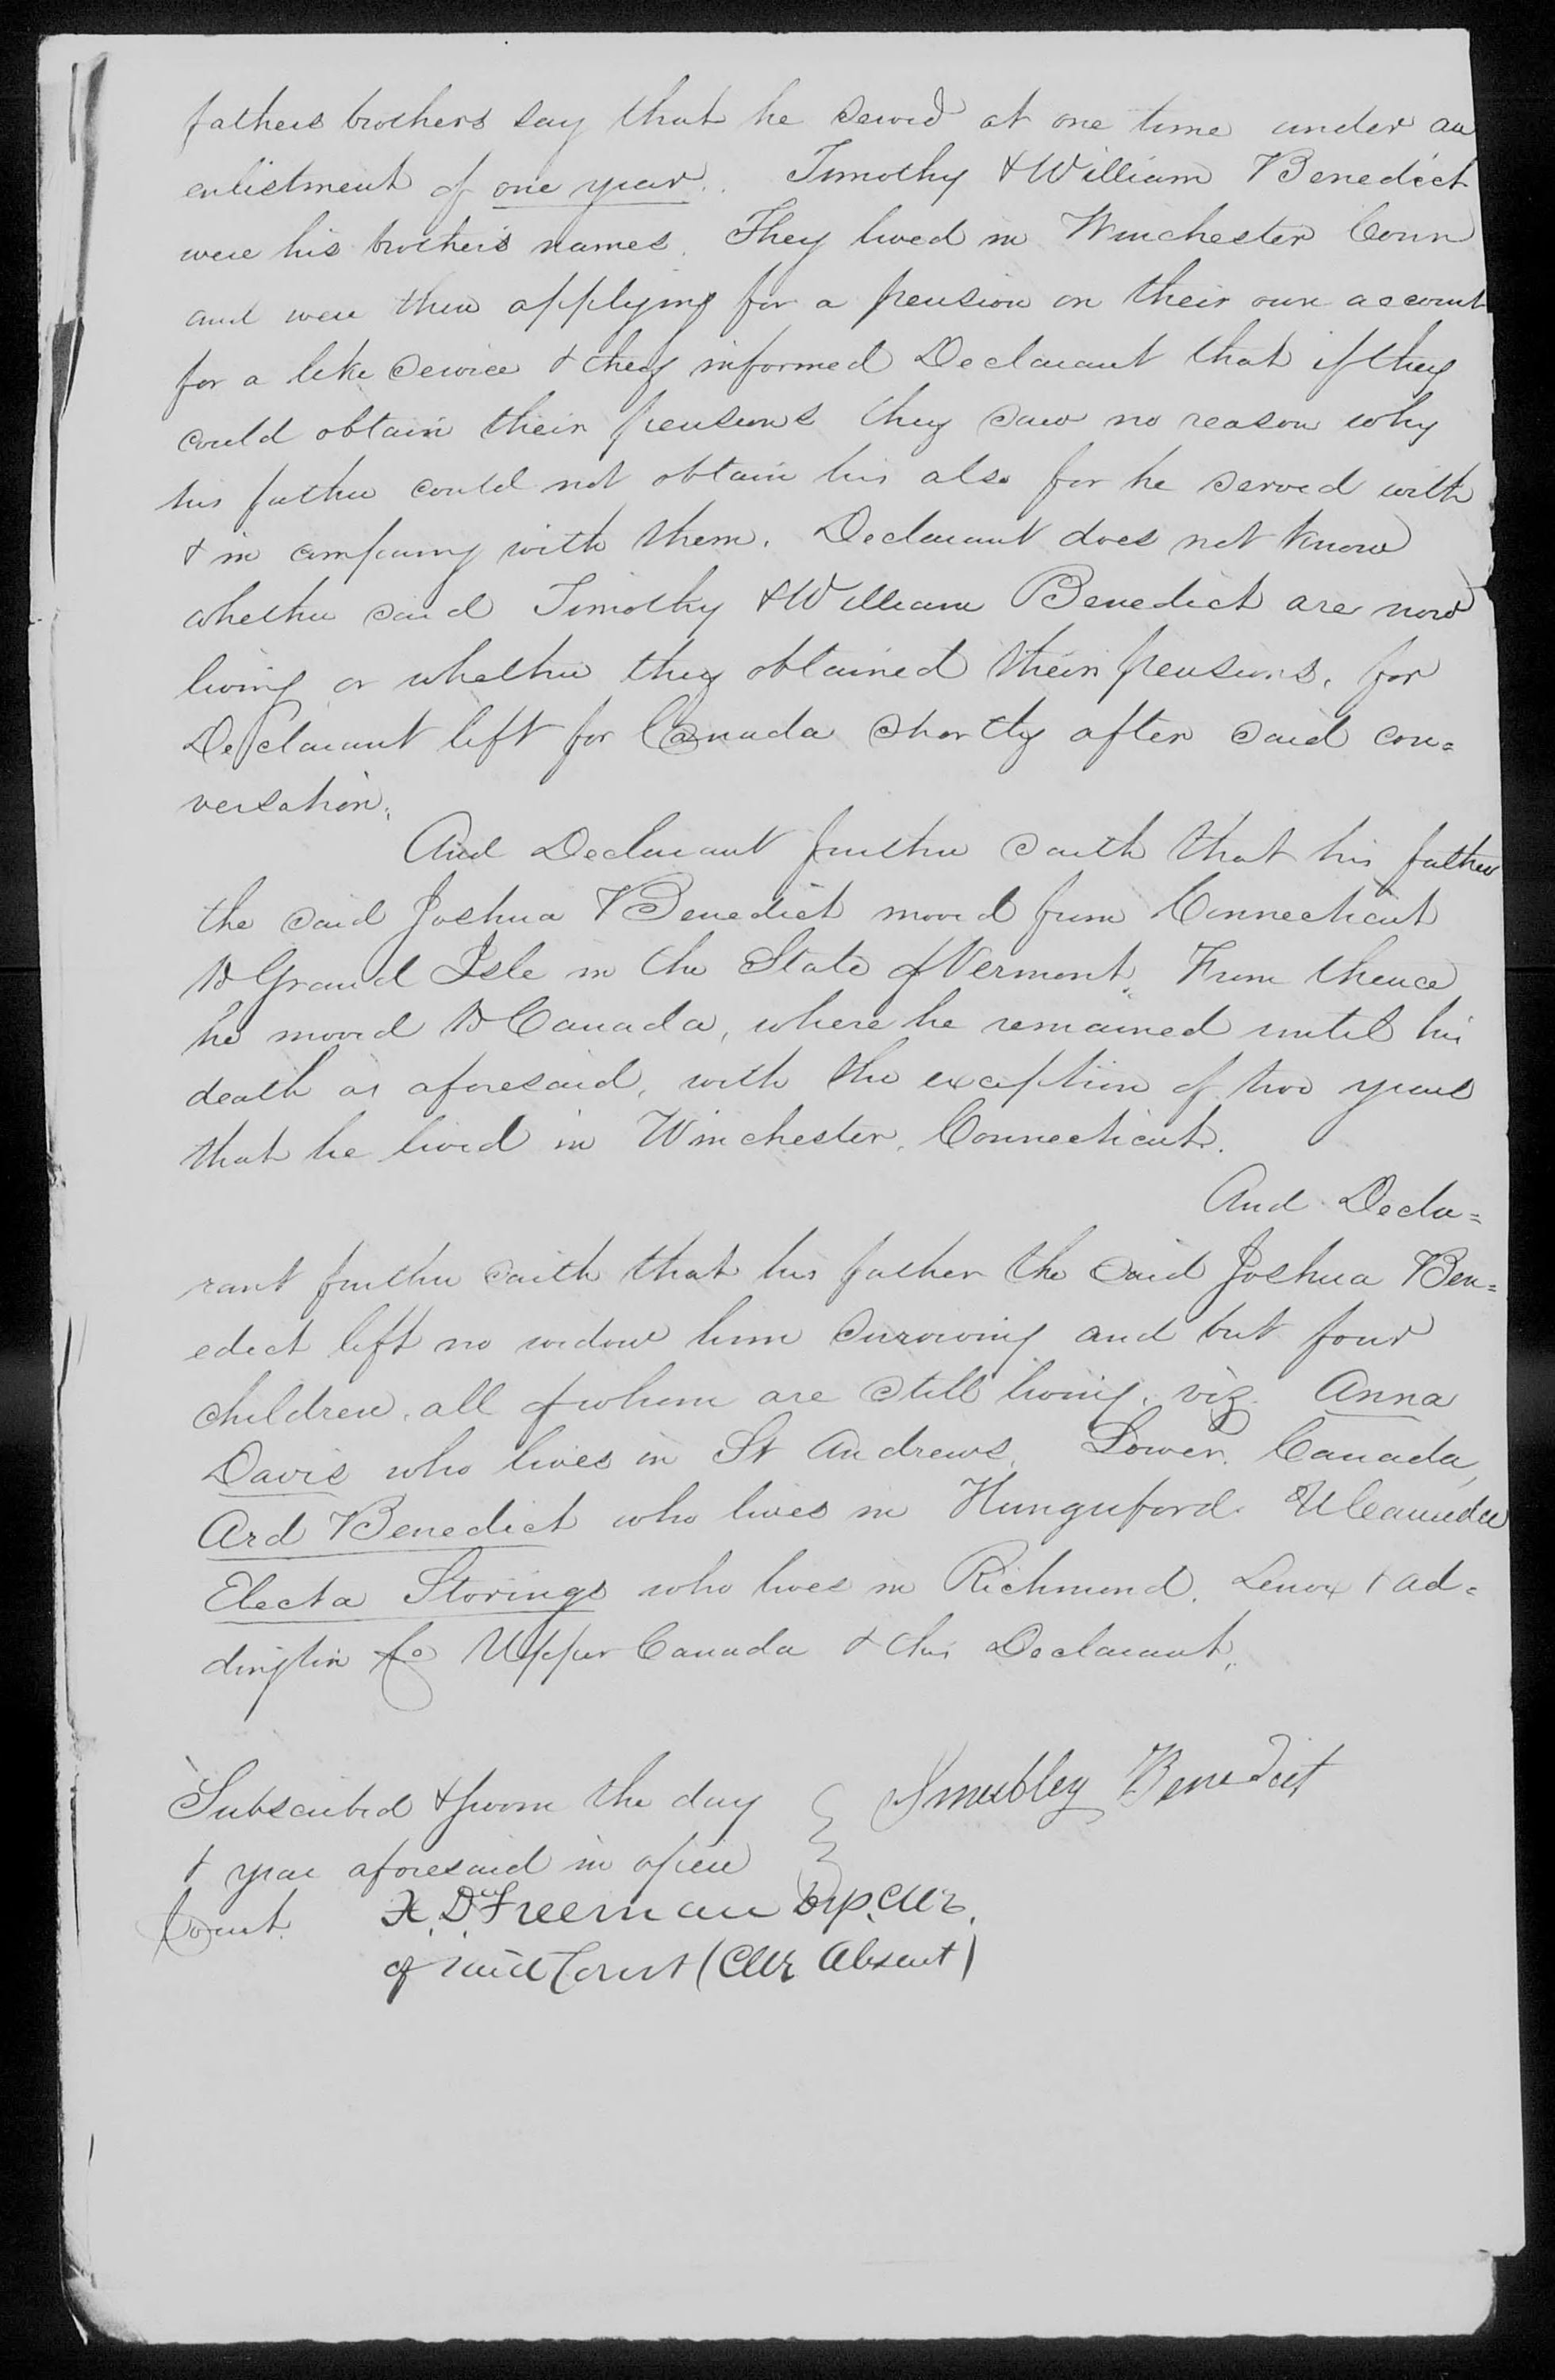fathers brothers say that he served at one time under an enlistment of one year. Timothy & William Benedict were his brother's names.  They lived in Manchester Conn and were then applying for a pension on their own account for a like service & they informed Declarant that if they could obtain their pensions they saw no reason why his father could not obtain his also for he served with & in company with them.  Declarant does not know whether said Timothy & William Benedict are now living or whether they obtained their pensions, for Declarant left for Canada shortly after said conversation.
And Declarant further saith that his father the said Joshua Benedict moved from Connecticut to Grand Isle in the State of Vermont. From thence he moved to Canada, where he remained until his death as aforesaid, with the exception of two years that he lived in Winchester, Connecticut.
And Declarant further saith that his father the said Joshua Benedict left no widow him surviving and but four children, all of whom are still living, viz.  Anna Davis who lives in St Andrews, Lower Canada, Ard Benedict who lives in Hungerford U Canada Electa Storings who lives in Richmond, Lenox & Addington Co Upper Canada & this Declarant.

Smedley Benedict

Subscribed from the day & year aforesaid in open Court.

A. D. Freeman Dep. Clk. of said Court (Clek Absent)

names: William Benedict, Timothy Benedict, Timothy Benedict, Joshua Benedict, A D Freeman, Smedley Benedict, Anna Davis, Joshua Benedict, Electa Storing, William Benedict, Ard Benedict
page: 5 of 106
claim: survivor's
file: S 23,116., Joshua Benedict, Conn.